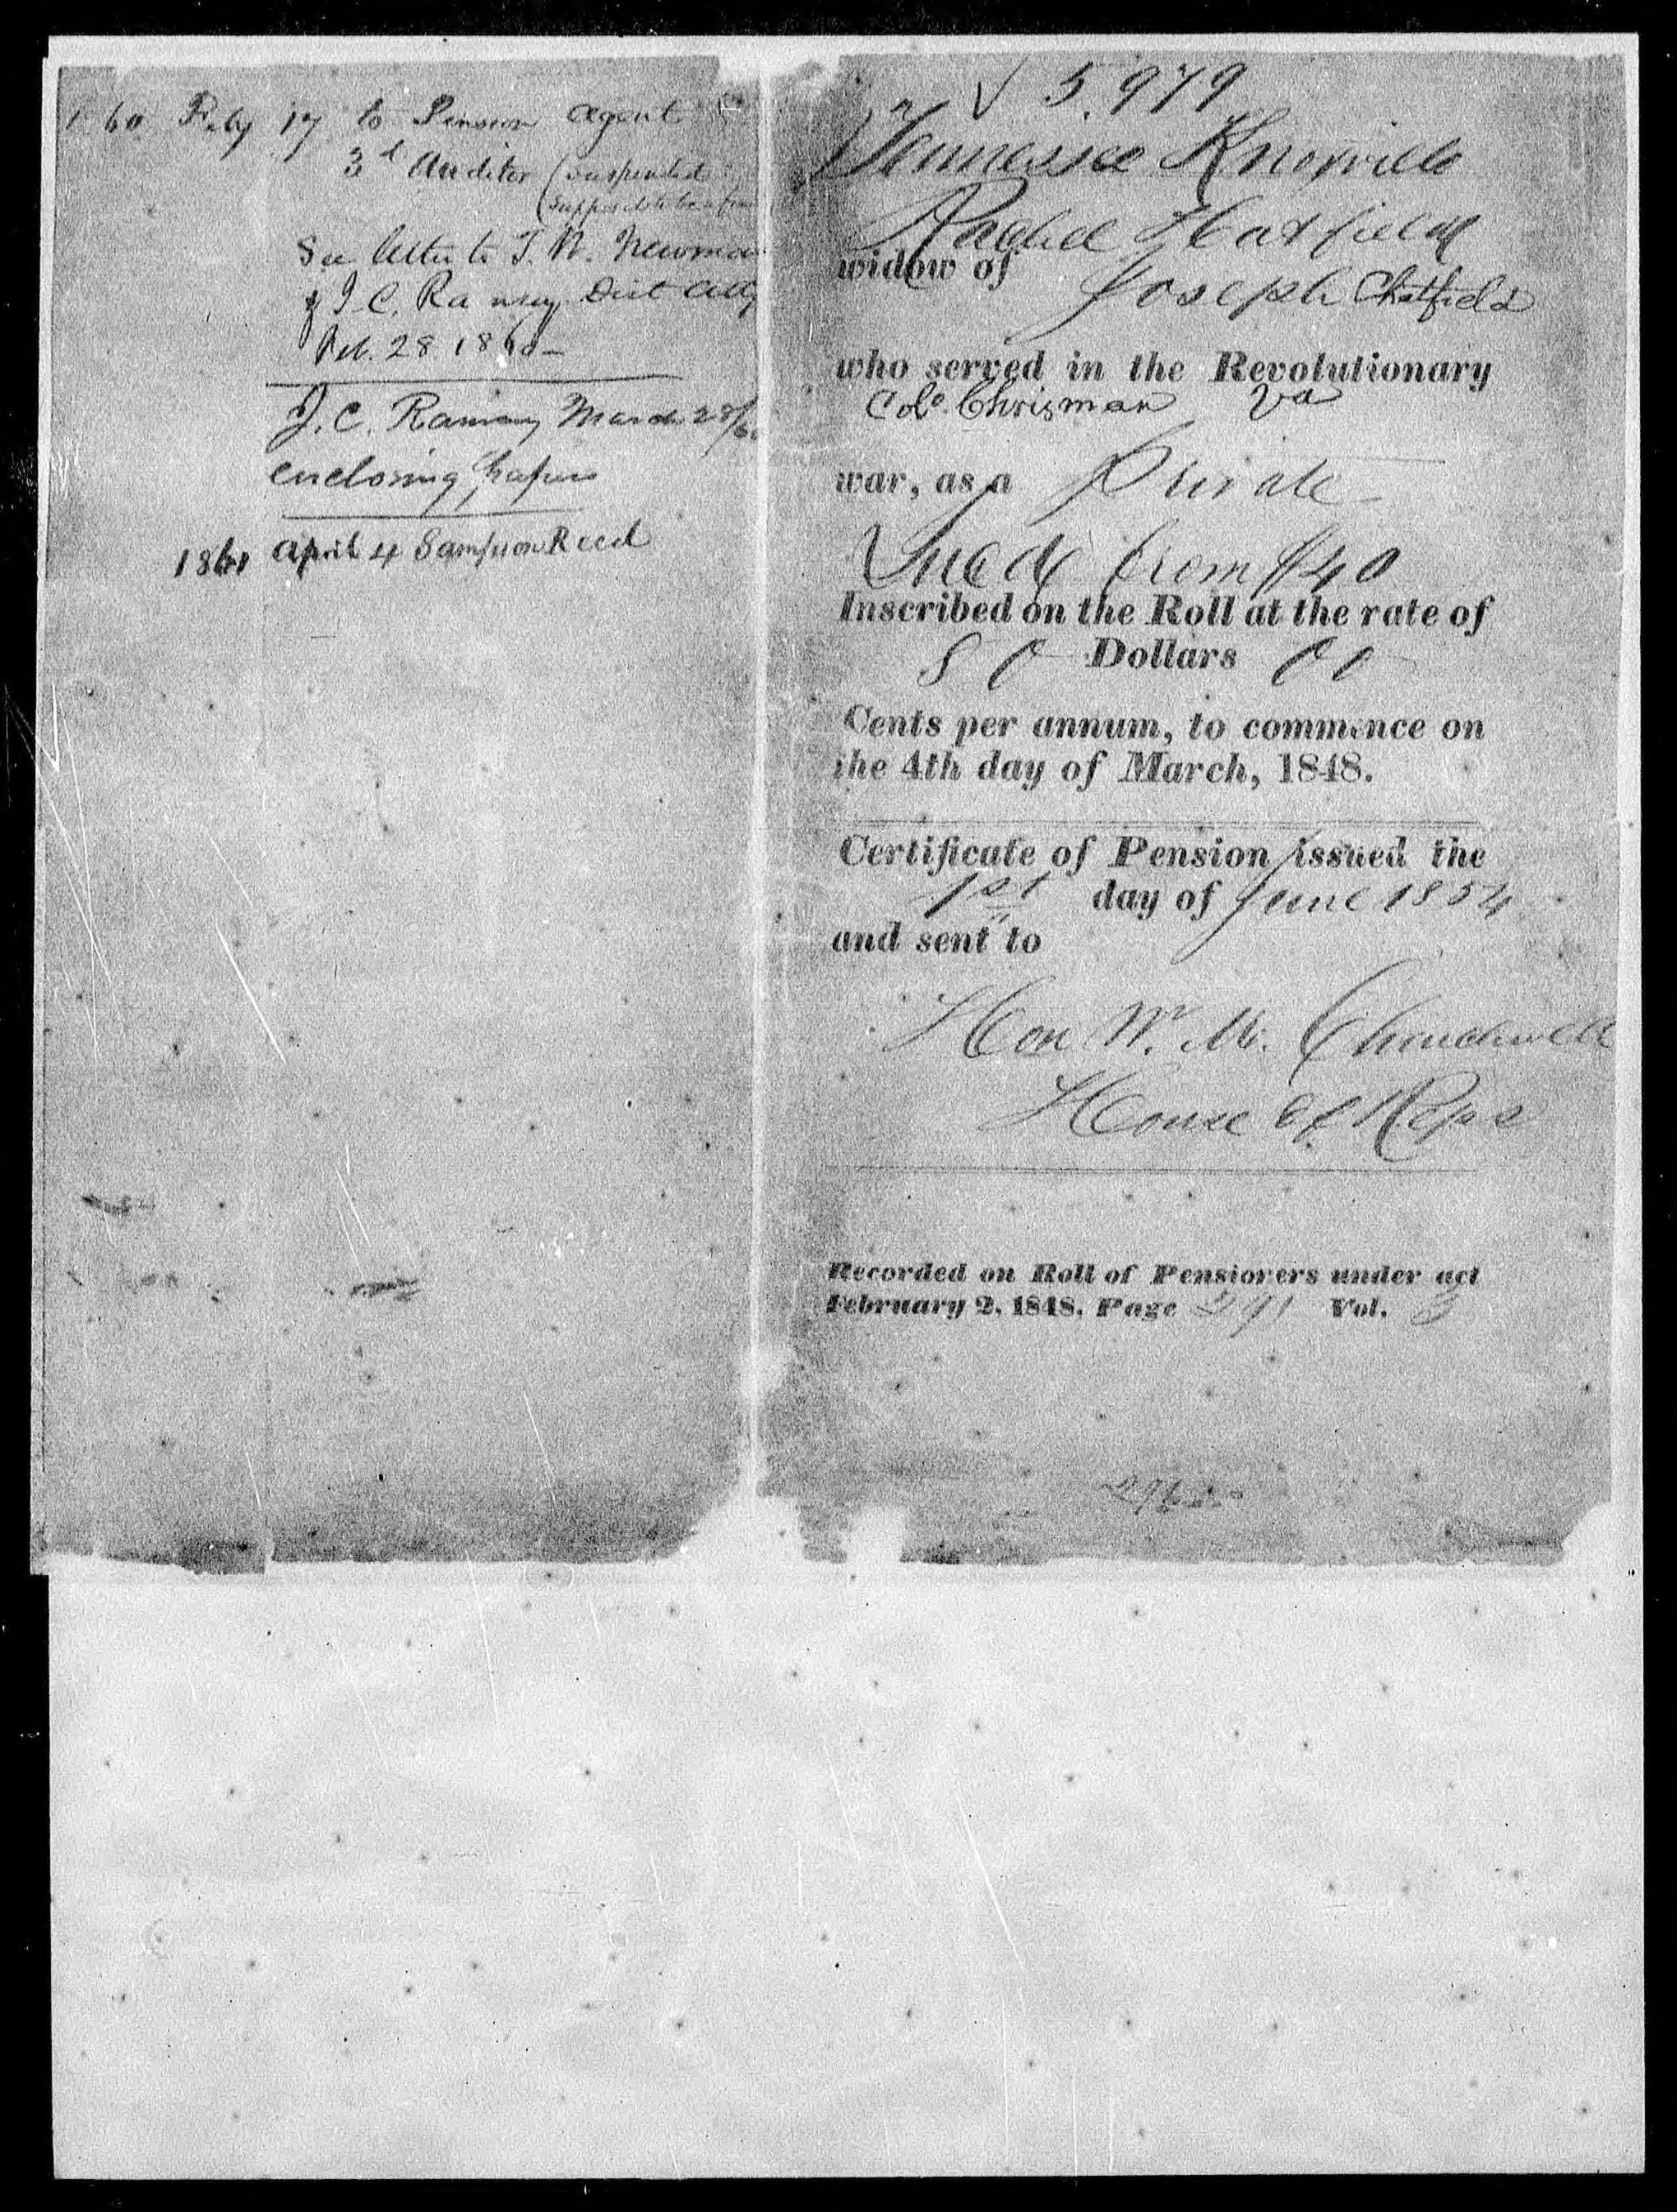(right column)
3.979 Tennessee Knoxville 
Rachel Hatfield widow of Joseph Hatfield who served in the Revolutionary War, Colo Chrisman Va as a Private. 
Incr'd from $40 
Inscribed on the Roll at the rate of 80 Dollars 00 Cents per annum, to commence on the 4th day of March, 1848.

Certificate of Pension issued the1st day of June 1854 and sent to Hon. W. M. Churchwell House of Reps

Recorded on Roll of Pensioners under act February 2, 1848, Page 291 Vol. 3

(left column)
6 Feby 17 to Pension Agent 3d Auditor (suspended supposed to be a (illegible-faded)
See letter to T. W. Newman & J. C. Ramsey Dist Atty Feb. 28 1860

J. C. Ramsey March 28/60
enclosing papers
1861 April 4 Sampson Reed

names: Sampson Reed, Rachel Hatfield, J C Ramsey, T W Newman, Wm M Churchwell, J C Ramsey, Joseph Hatfield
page: 2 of 74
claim: widow's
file: W. 5, Joseph Hatfield, Va.